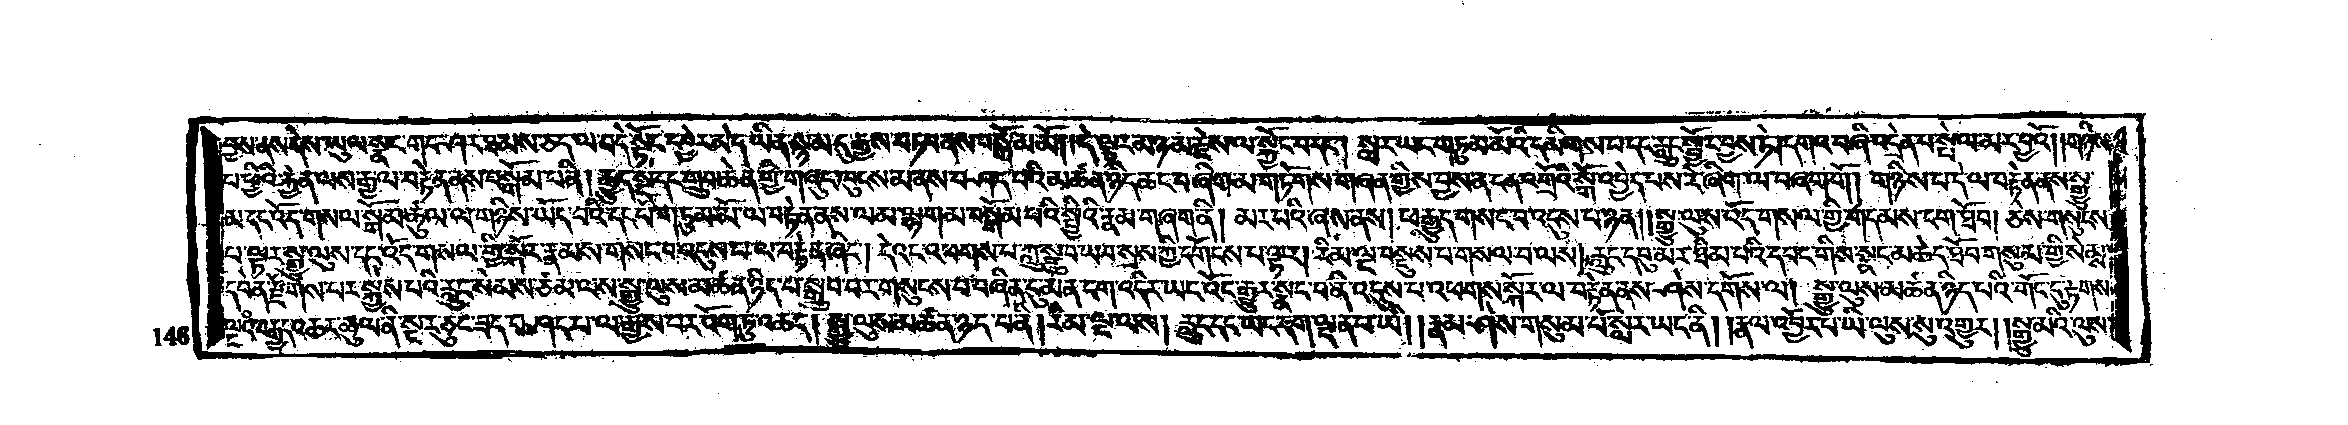བྱས་ནས་དེས་ཡུལ་སྣང་གང་ཤར་ཐམས་ཅད་ལ་བདེ་སྟོང་དབྱེར་མེད་ཡིན་སྙམ་དུ་རྒྱས་བཏབ་ནས་བསྒོམ་མོ། །དེ་ལྟར་མཉམ་རྗེས་ལ་སྐྱོང་བ་དང་། སླར་ཡང་གཏུམ་མོའི་དམིགས་པ་དང་རླུང་སྦྱོར་བྱས་ཏེ། དགའ་བཞི་འདྲེན་པ་སྤེལ་མར་བྱའོ། །གཉིས་
པ་ཕྱིའི་རྐྱེན་ལས་རྒྱ་ལ་བརྟེན་ནས་བསྒོམ་པ་ནི། རྒྱུད་སྡེ་དང་གྲུབ་ཆེན་གྱི་གཞུང་ཁུངས་མ་ནས་བཤད་པའི་མཚན་ཉིད་ཚང་བ་ཞིག་མ་གཏོགས་གཞན་གྱིས་བྱས་ན་ངན་འགྲོའི་སྒོ་འབྱེད་པས་རེ་ཞིག་ལ་བཞག་གོ། གཉིས་པ་དེ་ལ་བརྟེན་ནས་སྒྱུ་
མ་དང་འོད་གསལ་སྒོམ་ཚུལ་ལ་གཉིས་ཡོད་པའི་དང་པོ་གཏུམ་མོ་ལ་བརྟེན་ནས་ལམ་ལྷག་མ་བསྒོམ་པའི་སྤྱིའི་རྣམ་གཞག་ནི། མར་པའི་ཞལ་ནས། ཕ་རྒྱུད་གསང་བ་འདུས་པ་ཉན། །སྒྱུ་ལུས་འོད་གསལ་གྱི་གདམས་ངག་ཐོབ། ཅེས་གསུངས་
པ་ལྟར་སྒྱུ་ལུས་དང་འོད་གསལ་གྱི་སྐོར་རྣམས་གསང་བ་འདུས་པ་ལ་བརྟེན་ཞིང་། དེའང་འཕགས་པ་ཀླུ་སྒྲུབ་ཡབ་སྲས་ཀྱི་དགོངས་པ་ལྟར། རིམ་ལྔ་བསྡུས་པ་གསལ་བ་ལས། རླུང་དབུ་མར་ཐིམ་པའི་དབང་གིས་སྣང་མཆེད་ཐོབ་གསུམ་གྱི་སེམས་
དབེན་རྫོགས་པར་སྐྱེས་པའི་རླུང་སེམས་ཙམ་ལས་སྒྱུ་ལུས་མཚན་ཉིད་པ་སྒྲུབ་པར་གསུངས་པ་བཞིན་དུ་མན་ངག་འདིར་ཡང་འོང་རྒྱུར་སྣང་བ་ནི་འདུས་པ་འཕགས་སྐོར་ལ་བརྟེན་ནས་ཤེས་དགོས་ལ། སྒྱུ་ལུས་མཚན་ཉིད་པའི་གོང་དུ་རྟགས་
ལྔའི་བརྒྱད་འཆར་ཚུལ་ནི་སྔར་ཅུང་ཟད་བཤད་པ་ལ་རྒྱས་པར་འོག་ཏུ་འཆད། སྒྱུ་ལུས་མཚན་ཉིད་པ་ནི། རིམ་ལྔ་ལས། རླུང་དང་ཡང་དག་ལྡན་པ་ཡི། །རྣམ་ཤེས་གསུམ་པོ་སླར་ཡང་ནི། །རྣལ་འབྱོར་པ་ཡི་ལུས་སུ་འགྱུར། །སྒྱུ་མའི་ལུས་